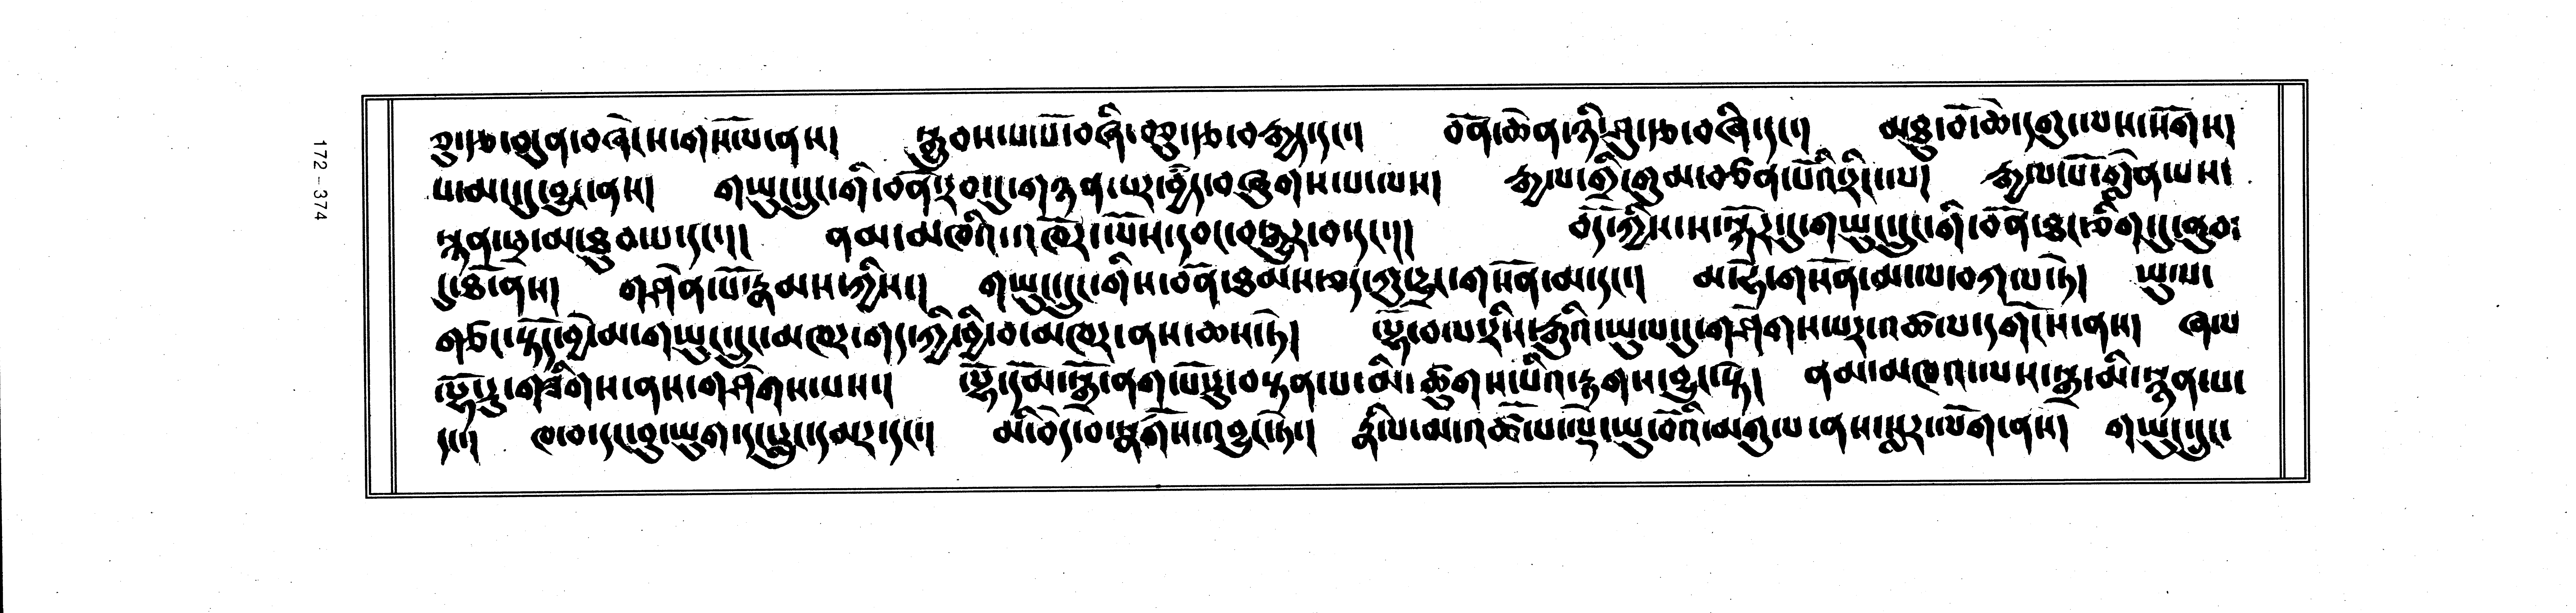ཅུ་རྩ་བདུན་བཞེངས་གསོལ་ནས། སྒྲུབས་པ་པོ་བཞི་བཅུ་རྩ་བརྒྱད་དང་། བོན་ཆེན་ཉི་ཤུ་རྩ་བཞི་དང་། མཐུ་བོ་ཆེ་དགུ་ལས་སོགས་
པ་མང་དུ་བྱུང་ནས། གཡུང་དྲུང་གི་བོན་རབ་དུ་གཉན་པར་བཞུགས་པ་ལས། རྒྱལ་གྲི་གུམ་བཙན་པོའི་རིང་ལ། རྒྱལ་པོ་གླེན་པས་
སྙན་ཕྲ་མ་ཐུབ་པ་དང་། ནམ་མཁའི་འཁོར་ལོས་དབང་བསྒྱུར་བ་དང་། བོད་ཀྱིས་ས་སྐོར་དུ་གཡུང་དྲུང་གི་བོན་ཐང་ཅིག་དུ་ནུབ་
དུ་ཐོ་ནས། གཤེན་པོ་རྣམས་ཀྱིས། གཡུང་དྲུང་གིས་